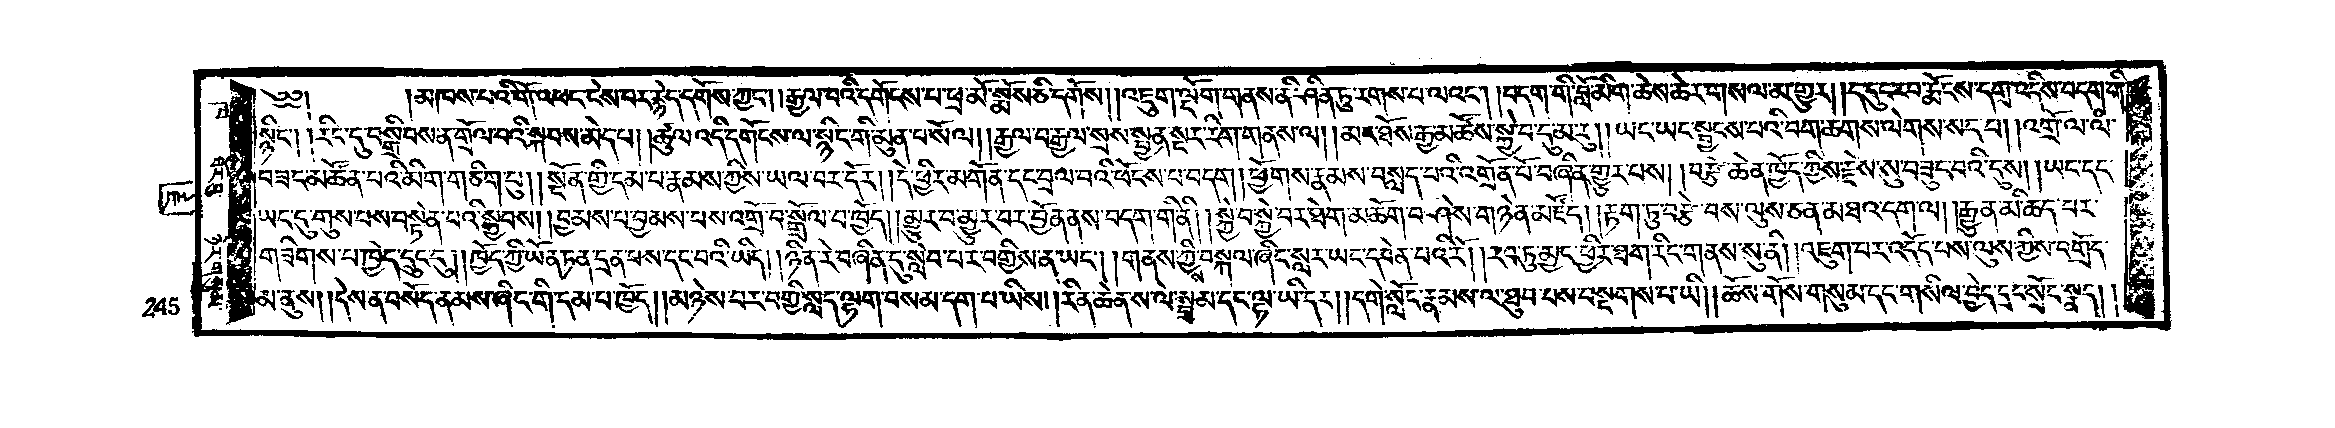༄༅། །མཁས་པའི་གོ་འཕང་ངེས་པར་རྙེད་དགོས་ཀྱང་། །རྒྱལ་བའི་དགོངས་པ་ཕྲ་མོ་སྨོས་ཅི་དགོས། །འཇུག་ལྡོག་གནས་ནི་ཤིན་ཏུ་རགས་པ་ལའང་། །བདག་གི་བློ་མིག་ཆེས་ཆེར་གསལ་མ་གྱུར། །ད་དུང་རབ་རྨོངས་དགྲ་འདིས་བདག་གི་
སྙིང་། །རིང་དུ་བསྒྲིབས་ན་གྲོལ་བའི་སྐབས་མེད་པ། །ཚུལ་འདི་དགོངས་ལ་སྙིང་གི་མུན་པ་སོལ། །རྒྱལ་བ་རྒྱལ་སྲས་སྤྱན་སྔར་རིག་གནས་ལ། །མང་ཐོས་རྒྱ་མཚོས་སྐྱེ་བ་དུ་མ་རུ། །ཡང་ཡང་སྦྱངས་པའི་བག་ཆགས་ལེགས་སད་པ། །འགྲོ་ལ་ལཾ་
བཟང་མཚོན་པའི་མིག་གཅིག་པུ། །སྔོན་གྱི་དམ་པ་རྣམས་ཀྱིས་ཡལ་བར་དོར། །དེ་ཕྱིར་མགོན་དང་བྲལ་བའི་ཕོངས་པ་བདག །ཕྱོགས་རྣམས་བསླད་པའི་འགྲོན་པོ་བཞིན་གྱུར་པས། །བརྩེ་ཆེན་ཁྱོད་ཀྱིས་རྗེས་སུ་བཟུང་བའི་དུས། །ཡང་དང་
ཡང་དུ་གུས་པས་བསྟེན་པའི་སྐྱབས། །བྱམས་པ་བྱམས་པས་འགྲོ་བ་སྒྲོལ་བ་ཁྱོད། །མྱུར་བ་མྱུར་བར་བྱོན་ནས་བདག་གི་ནི། །སྐྱེ་བ་སྐྱེ་བར་ཐེག་མཆོག་བཤེས་གཉེན་མཛོད། །རྟག་ཏུ་བརྩེ་བས་ལུས་ཅན་མཐའ་དག་ལ། །རྒྱུན་མི་ཆད་པར་
གཟིགས་པ་ཁྱེད་དྲུང་དུ། །ཁྱོད་ཀྱི་ཡོན་ཏན་དྲན་པས་དང་བའི་ཡིད། །ཉིན་རེ་བཞིན་དུ་སླབ་པར་བགྱིས་ན་ཡང་། །གནས་ཀྱིས་བསྐལ་ཞིང་སླར་ཡང་དབེན་པའི་རོ། །རབ་ཏུ་མྱང་ཕྱིར་ཐག་རིང་གནས་སུ་ནི། །འཇུག་པར་འདོད་པས་ལུས་ཀྱིས་བགྲོད་
མི་ནུས། །དེས་ན་བསོད་ནམས་ཞིང་གི་དམ་པ་ཁྱོད། །མཉེས་པར་བགྱི་སླད་ལྷག་བསམ་དག་པ་ཡིས། །རིན་ཆེན་ས་ལེ་སྦྲམ་དང་ལྷ་ཡི་དར། །དགེ་སློང་རྣམས་ལ་ཐུབ་པས་བསྔགས་པ་ཡི། །ཆོས་གོས་གསུམ་དང་གསིལ་བྱེད་དྲང་སྲོང་སྣད། །